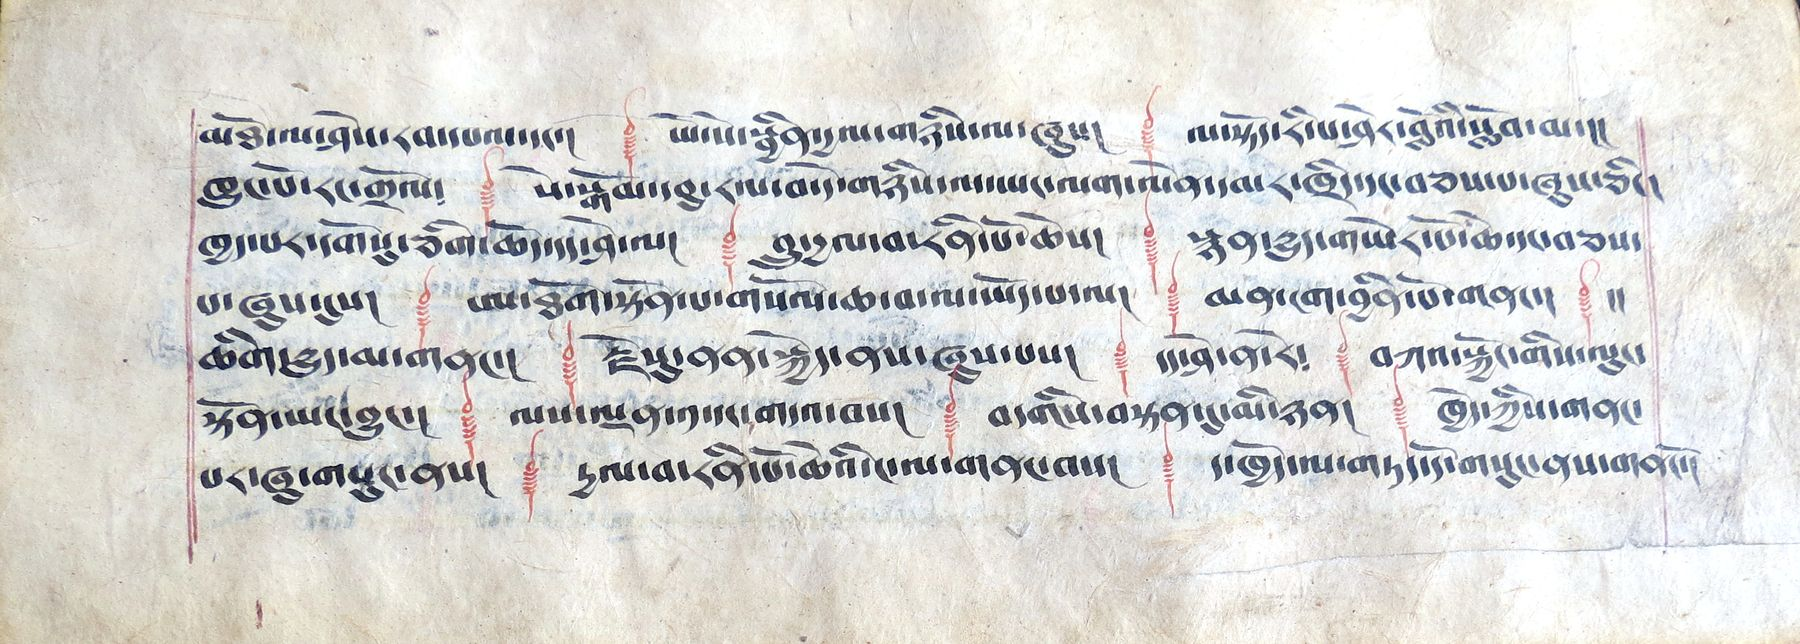མཐོ་ལ་ཤེས་རབ་དཔལ་དང་། ཡེ་ཤེས་སྦྱིན་རྒྱལ་གཉིས་ལ་ཞུས། ལ་སྟོད་རི་པ་ཤེར་བློའི་སློབ་མ། 
ཁྱུང་པོ་རང་གྲོལ་བསེ་སྒོམ་དབུ་རལ་པ། དེ་གཉིས་ལ་ཡང་ལག་ལེན་དམར་ཁྲིད་དང་བཅས་པ་ཞུས་ཤིང་། 
ཁྱད་པར་དགོས་སུ་གཅིག་ཆོད་དད་ཤེས་ལ། བྲུ་རྒྱལ་བ་རིན་པོ་ཆེས། སྙན་རྒྱུད་གཡེར་པོ་ཆེ་དང་བཅས་
པ་ཞུས་དུས། ཨ་ཐོག་སྟོན་པ་གསོལ་ཇ་བ་ལ་ཡོད་པ་ལ། མན་ངག་བྱིན་པོ་གནང་། །།
ཆིག་བརྒྱུད་མ་གནང་། རྗེས་སུ་ནན་བསྐྱེད་ནས་ཞུས་པས། དད་ཤེས་ན་རེ། བཀའ་སྐྱོད་གིས་ལུང་
སྟོན་ཡང་བྱུང་། ལས་ལྡན་ཞིག་དང་གདའ་བས། བདག་གིས་བསྟན་དུ་མི་ཉན་ཁྱེད་ཀྱིས་གནང་
བར་ཞུ་གསུངས་ནས། རྒྱལ་བ་རིན་པོ་ཆེས་ང་ལ་གནང་པས། ད་ཁྱོད་ལ་གཏད་དོ་གསུངས་ནས་གནང་ངོ་། །